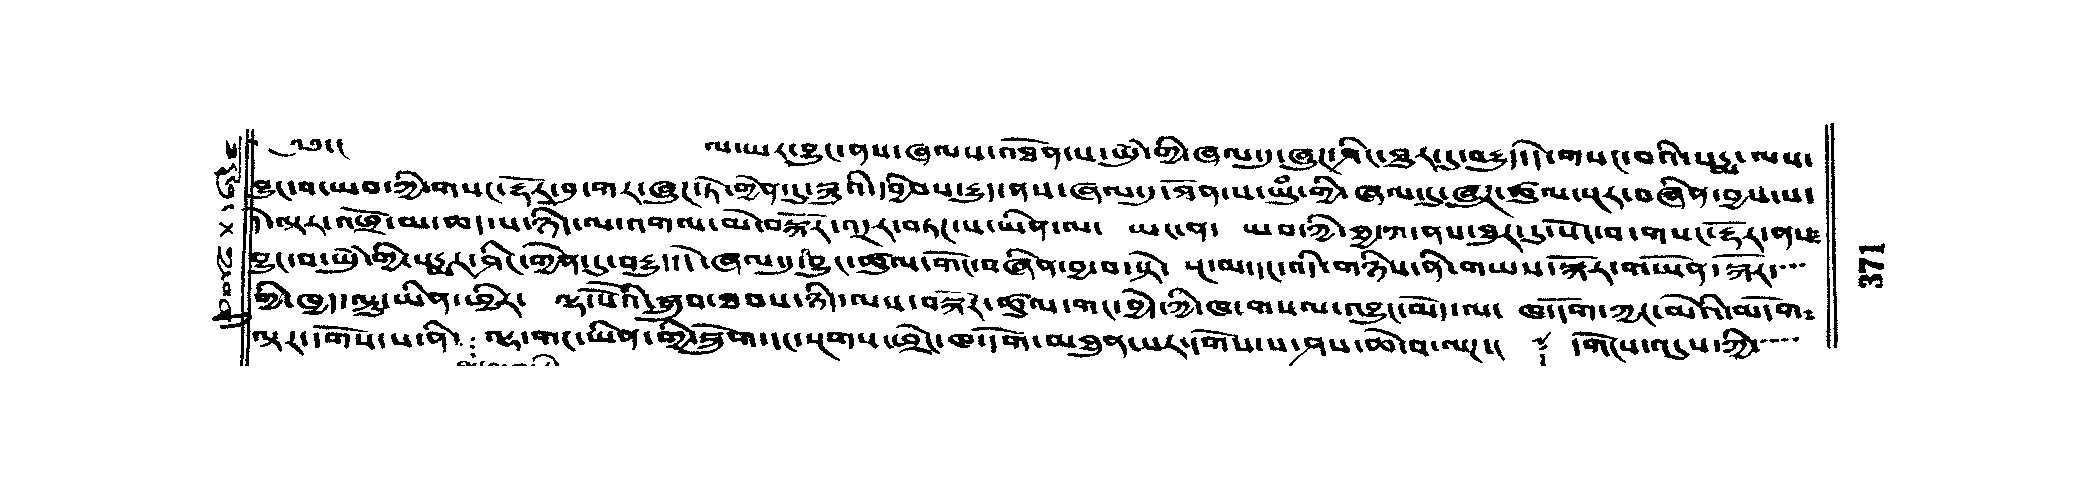ལཔཡརཔབྱུངཔནསཔཞལཔལསཔའཐོནཔ་པཡུམཔགྱིཔཞལཔདུཔཞུགསཔཤིངཔཐུརཔདུཔབརྒྱུདཔདེཔགསངཔབའིཔ་དྨཔལས་
བྱུངཔབཔཡབཔཀྱིཔགསངཔརྡོརཔབུཔགརཔཞུགསཔཏེཔགྱེནཔདུཔསྐུའིཔདབྱིབསཔརྒྱུདཔནསཔཞལཔདུཔཐོནཔ་པཡུམཔགྱིཔཞལཔདུཔབཞུགསཔཚུལཔསྔརཔབཞིནཔབྱས་པ་
དེཔལྟརཔའཕྲོཔམཔཆདཔ་པཉིདཔལཔའགལཔམེཔབསྐོརཔའདྲརཔབཏགསཔ་པཡིནཔལ། ཡངཔནཔཡབཔཀྱིཔཐུགསཔཀཔནསཔཐུརཔདུཔསོངཔབཔགསངཔརྡོརཔནས་
བྱུངཔབཔཡུམཔགྱིཔ་དྨརཔབཞུགསཔཤིངཔགྱེནཔདུཔབརྒྱུདཔདེཔཞལཔདུཔབྱུངཔཚུལཔགོངཔབཞིནཔབྱཔབཔསྟེ། སྔཔམཔདངཔའདིཔགཉིསཔནིཔགཡསཔསྐོརཔགཡོནཔསྐོར་
གྱིཔཁྱདཔལྟཔབུཔཡིནཔཕྱིར། ལྷཔསོཔསོའིཔསྒྲུབཔཐབསཔཉིདཔལསཔབསྐོརཔཚུལཔགངཔབྱེདཔཀྱིཔཁཔགསལཔའབྱུངཔམོདཔལ། ཁཔདོགཔཀྱངཔམེའིཔམདོག་
ལྟརཔདགོསཔ་པནིཔམཔལགསཔཏེ། ལྷཔགངཔཡིནཔགྱིཔསྐུཔམདོགཔདངཔསྔགསཔཕྲེངཔཁཔདོགཔམཐུནཔ་རཔདགོསཔ་པཤསཔཆེཔབཔལགས། དགོངསཔའདུསཔཀྱིཔ